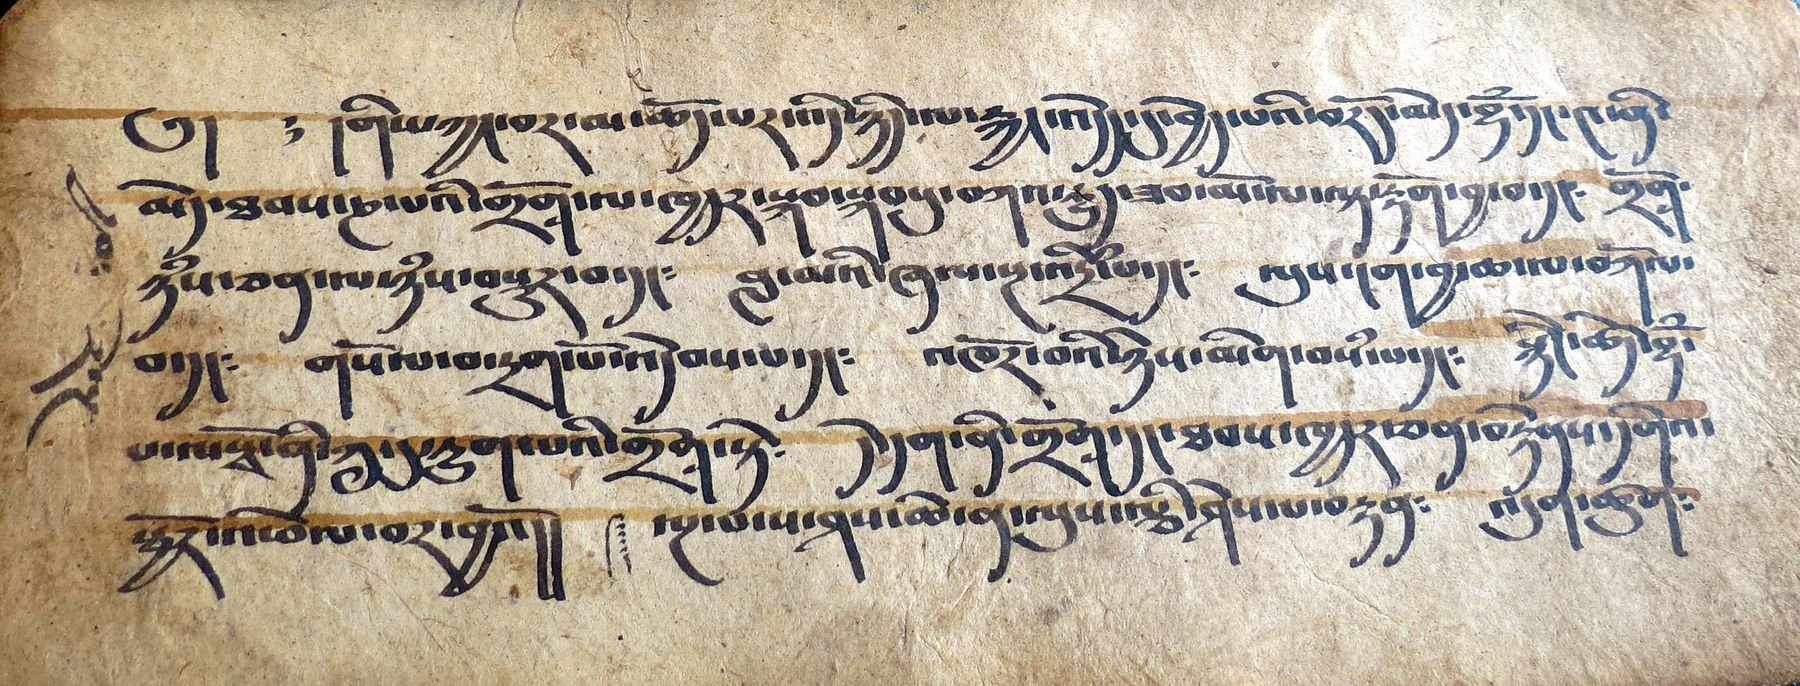གིས་ཀྱང་བར་མ་ཆོད་པར་འདི་ཉིད་ལ་རྐྱང་དེད་དུ་བྱེད་པའི་བར་ཆོད་མེད་སྒོམ་དང་བཞི་ནི། 
མེད་ཐབས་མེད་པའི་གྲོགས་ལ། ཁྱད་པར་སྐབས་སྐབས་སུ། བཀའ་རྒྱུད་ཟབ་མོ་ལ་ལྟ་རྟོགས་བྱ་བ་དང་། གྲོགས་
ཉམས་ཅན་ལ་ཉམས་བསྡུར་བ་དང་། བླ་མའི་ཞལ་སྔ་འགྲིམས་པ་དང་། ལུས་ངག་བྱ་ཆ་ལ་བཀོལ་
བ་དང་། གསོལ་བ་དྲག་པོ་འདེབས་པ་དང་། འཁོར་བའི་ཉེས་དམིགས་བསམ་པ་དང་། སྙིང་རྗེ་ཚད་མེད་བསྒོམ་
པ་ལ་སོགས་ནི་ཀུན་ཏུ་རྒྱུག་པའི་གྲོགས་ཏེ། དེ་དག་ནི་གྲོགས་དང་ཐབས་ཁྱད་པར་ཅན་ལ་བརྟེན་ནས། དགེ་
སྦྱོར་འཕེལ་བར་བྱའོ། ། ལྔ་པ་ལ་ས་ཤས་ཆེ་ན་ལུས་ལྕི། ཤེས་པ་བརྟན། འདུག་ཚུགས།